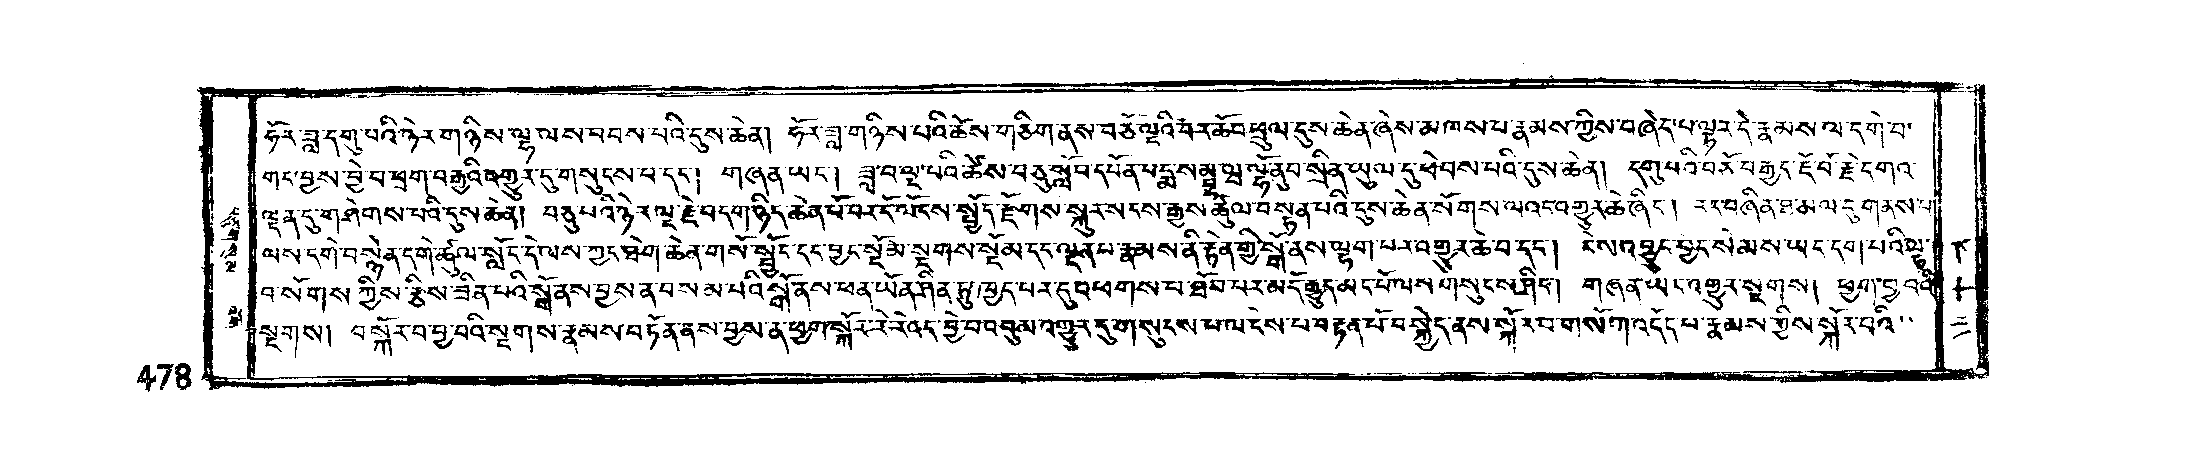ཧོར་ཟླ་དགུ་པའི་ཉེར་གཉིས་ལྷ་ལས་བབས་པའི་དུས་ཆེན། ཧོར་ཟླ་གཉིས་པའི་ཚེས་གཅིག་ནས་བཅོ་ལྔའི་བར་ཆོབ་ཕྲུལ་དུས་ཆེན་ཞེས་མཁས་པ་རྣམས་ཀྱིས་བཞེད་པ་ལྟར་དེ་རྣམས་ལ་དགེ་བ་
གང་བྱས་བྱེ་བ་ཕྲག་བརྒྱའི་འགྱུར་དུ་གསུངས་པ་དང་། གཞན་ཡང་། ཟླ་བ་ལྔ་པའི་ཚེས་བཅུ་སློབ་དཔོན་པདམ་སམྦྷ་ཝ་ལྷོ་ནུབ་སྲིན་ཡུལ་དུ་ཕེབས་པའི་དུས་ཆེན། དགུ་པའི་བཅོ་བརྒྱད་ཇོ་བོ་རྗེ་དགའ་
ལྡན་དུ་གཤེགས་པའི་དུས་ཆེན། བཅུ་པའི་ཉེར་ལྔ་རྗེ་བདག་ཉིད་ཆེན་པོ་བར་དོ་ལོངས་སྤྱོད་རྫོགས་སྐུར་སངས་རྒྱས་ཚུལ་བསྟན་པའི་དུས་ཆེན་སོགས་ལའང་འགྱུར་ཆེ་ཞིང་། རང་བཞིན་ཐ་མལ་དུ་གནས་པ་
ལས་དགེ་བསྙེན་དགེ་ཚུལ་སློང་དེ་ལས་ཀྱང་ཐེག་ཆེན་གསོ་སྦྱོང་དང་བྱང་སྡོམ་སྔགས་སྡོམ་དང་ལྡན་པ་རྣམས་ནི་རྟེན་གྱི་སྒོ་ནས་ལྷག་པར་འགྱུར་ཆེ་བ་དང་། ངེས་འབྱུང་བྱང་སེམས་ཡང་དག་པའི་ལྟ་
བ་སོགས་ཀྱིས་རྩིས་ཟིན་པའི་སྒོ་ནས་བྱས་ན་བསམ་པའི་སྒོ་ནས་ཕན་ཡོན་ཤིན་ཏུ་ཁྱད་པར་དུ་འཕགས་པ་ཐོབ་པར་མདོ་རྒྱུད་མང་པོ་ལས་གསུངས་ཤིང་། གཞན་ཡང་འགྱུར་སྔགས། ཕྱག་བྱ་བའི་
སྔགས། བསྐོར་བ་བྱ་བའི་སྔགས་རྣམས་བཏོན་ནས་བྱས་ན་ཕྱག་སྐོར་རེ་རེའང་བྱེ་བ་འབུམ་འགྱུར་དུ་གསུངས་པ་ལ་ངེས་པ་བརྟན་པོ་བསྐྱེད་ནས་སྐོར་བ་གསོག་འདོད་པ་རྣམས་ཀྱིས་སྐོར་བའི་